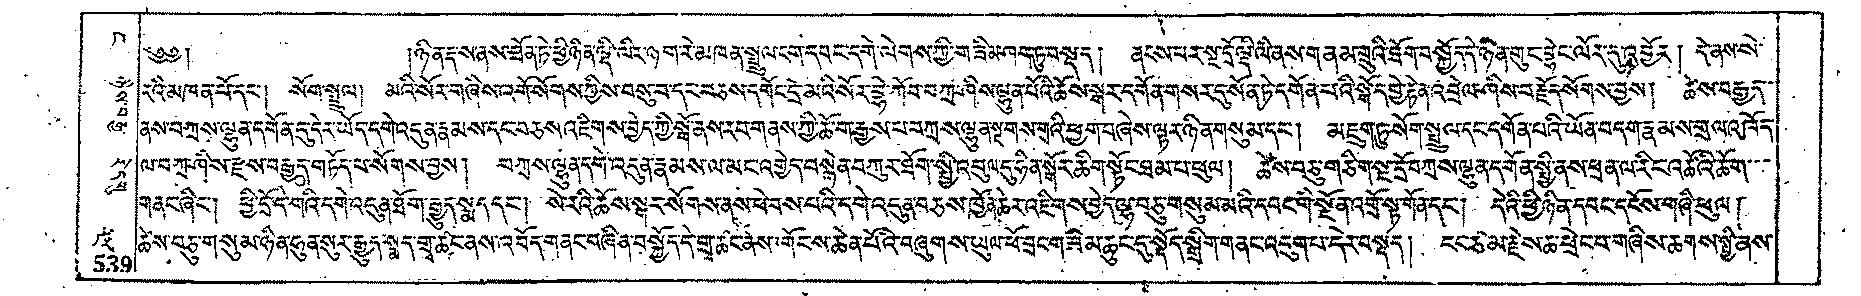༄༅། །ཉིན་རྡ་ས་ནས་ཐོན་ཏེ་ཕྱི་ཉིན་ལྡི་ལིར་ཉག་རེ་མཁན་སྤྲུལ་ངག་དབང་དགེ་ལེགས་ཀྱི་གཟིམ་ཤག་ཏུ་བསྡད། ནངས་པར་སྔ་དྲོ་ལྡི་ལི་ནས་གནམ་གྲུའི་ཐོག་བསྐྱོད་དེ་ཉིན་གུང་བྷེང་ལོར་དུ་འབྱོར། དེ་ནས་སེ་
རའི་མཁན་པོ་དང་། སོག་སྤྲུལ། མའི་སོར་གཞིས་འགོ་སོགས་ཀྱིས་བསུ་བ་དང་བཅས་དགོང་དྲོ་མའི་སོར་བྷེ་ཀོབ་བཀྲ་ཤིས་ལྷུན་པོའི་ཆོས་སྒར་དགོན་གསར་དུ་སོན་ཏེ་དགོན་པའི་སྒོ་དབྱེ་རྟེན་འབྲེལ་ཤིས་བརྗོད་སོགས་བྱས། ཚེས་བརྒྱད་
ནས་བཀྲས་ལྷུན་དགོན་དུ་དེར་ཡོད་དགེ་འདུན་རྣམས་དང་བཅས་འཇིགས་བྱེད་ཀྱི་སྒོ་ནས་རབ་གནས་ཀྱི་ཆོ་ག་རྒྱས་པ་བཀྲས་ལྷུན་སྔགས་གྲའི་ཕྱག་བཞེས་ལྟར་ཉིན་གསུམ་དང་། མཇུག་ཏུ་སོག་སྤྲུལ་དང་དགོན་པའི་ཡོན་བདག་རྣམས་གྲལ་འཁོད་
ལ་བཀྲ་ཤིས་རྫས་བརྒྱད་གཏོད་པ་སོགས་བྱས། བཀྲས་ལྷུན་དགེ་འདུན་རྣམས་ལ་མང་འགྱེད་བསྙེན་བཀུར་ཐོག་སྤྱི་འབུལ་དུ་ཧིན་སྒོར་ཆིག་སྟོང་ཐམ་པ་ཕུལ། ཚེས་བཅུ་གཅིག་སྔ་དྲོ་བཀྲས་ལྷུན་དགོན་སྤྱི་ནས་ཕྲན་ལ་རིང་འཚོའི་ཆོ་ག་
གནང་ཞིང་། ཕྱི་དྲོ་དེ་གའི་དགེ་འདུན་ཐོག་རྒྱུད་སྨད་དང་། སེ་རའི་ཆོས་སྒར་སོགས་ནས་ཕེབས་པའི་དགེ་འདུན་བཅས་ཁྱོན་ཆེར་འཇིགས་བྱེད་ལྷ་བཅུ་གསུམ་མའི་དབང་གི་སྔོན་འགྲོ་སྟ་གོན་དང་། དེའི་ཕྱི་ཉིན་དབང་དངོས་གཞི་ཕུལ།
ཚེས་བཅུ་གསུམ་ཉིན་ཧུན་སུར་རྒྱུད་སྨད་གྲྭ་ཚང་ནས་འབོད་གནང་བཞིན་བསྐྱོད་དེ་གྲྭ་ཚང་ནས་༧གོང་ས་ཆེན་པོའི་བཞུགས་ཡུལ་ཕོ་བྲང་གཟིམ་ཆུང་དུ་སྡོད་སྒྲིག་གནང་འདུག་པ་དེར་བསྡད། ངང་ཙམ་རྗེས་ཆ་ཕྲེང་བ་གཞིས་ཆགས་སྤྱི་ནས་